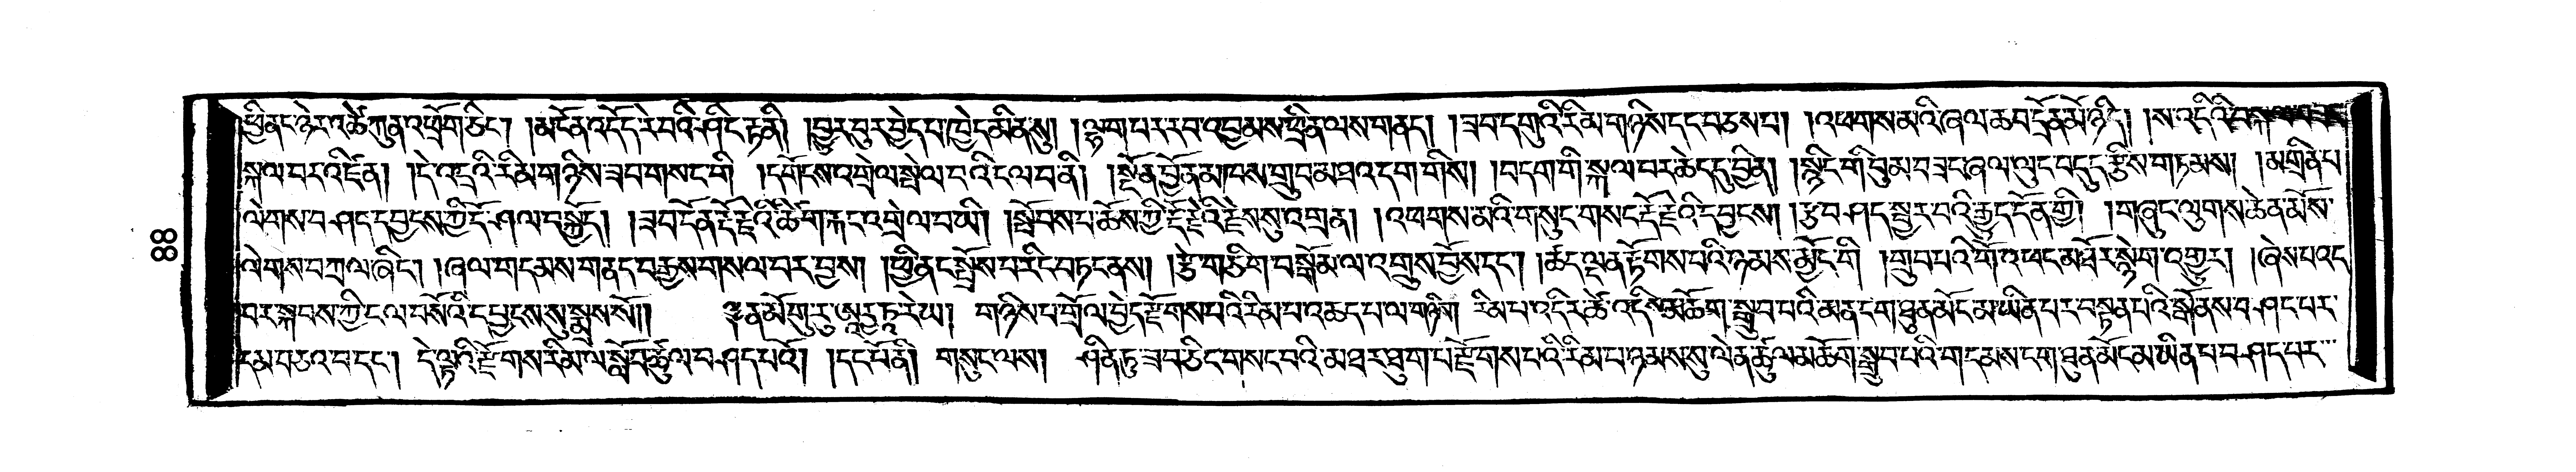ཕྱི་ནང་ཉེར་འཚེ་ཀུན་འཕྲོག་ཅིང་། །མངོན་འདོད་རེ་བའི་ཤིང་རྟ་ནི། །བྱུར་བུར་བྱེད་པ་ཁྱོད་མིན་སུ། །ལྷག་པར་རབ་འབྱམས་ཕྲིན་ལས་གནད། །ཟབ་དགུའི་རིམ་གཉིས་དང་བཅས་པ། །འཕགས་མའི་ཞལ་ཆབ་དྲོན་མོ་ཉིད། །ས་འདིའི་བསྐལ་བཟང་
སྐལ་བར་འཛིན། །དེ་འདྲའི་རིམ་གཉིས་ཟབ་གསང་གི །དགོངས་འགྲེལ་སྤེལ་བའི་ངལ་བ་ནི། །སྔོན་བྱོན་མཁས་གྲུབ་མཐའ་དག་གིས། །བདག་གི་སྐལ་བར་ཆེད་དུ་བྱིན། །སྙིང་གི་བུམ་བཟང་ཞལ་ལུང་བདུད་རྩིས་གཏམས། །མགྲིན་པ་
ལེགས་བཤད་དབྱངས་ཀྱི་དོ་ཤལ་བསྐྱོད། །ཟབ་དོན་རྡོ་རྗེའི་ཚིག་རྐང་འགྲེལ་བ་ཡི། །སྤོབས་པ་ཆོས་ཀྱི་རྡོ་རྗེའི་རྗེས་སུ་འགྲན། །འཕགས་མའི་གསུང་གསང་རྡོ་རྗེའི་དབྱངས། །རྩ་བཤད་སྦྱར་བའི་རྒྱུད་དོན་གྱི། །གཞུང་ལུགས་ཆེན་མོས་
ལེགས་བཀྲལ་ཞིང་། །ཞལ་གདམས་གནད་བརྒྱས་གསལ་བར་བྱས། །ཕྱི་ནང་སྤྲོས་པ་རིང་བཏང་ནས། །རྩེ་གཅིག་བསྒོམ་ལ་འགྲུས་བྱོས་དང་། །ཚད་ལྡན་རྟོགས་པའི་ཉམས་མྱོང་གི །གྲུབ་པའི་གོ་འཕང་མཐོར་སྙེག་འགྱུར། །ཞེས་པའང་
པར་སྐབས་ཀྱི་ངལ་བསོའི་དབྱངས་སུ་སྨྲས་སོ།། ༈ ན་མོ་གུ་རུ་ཨཱ་རྱ་ཏཱ་རེ་ཡ། གཉིས་བ་གྲོལ་བྱེད་རྫོགས་པའི་རིམ་པ་འཆད་པ་ལ་གཉིས། རིམ་པ་འདིས་ཚེ་འདིར་མཆོག་སྒྲུབ་པའི་མན་ངག་ཐུན་མོང་མ་ཡིན་པར་བསྟན་པའི་སྒོ་ནས་བཤད་པར་
དམ་བཅའ་བ་དང་། དེ་ལྟའི་རྫོགས་རིམ་ལ་སློབ་ཚུལ་བཤད་པའོ། །དང་པོ་ནི། གསུང་ལས། ཤིན་ཏུ་ཟབ་ཅིང་གསང་བའི་མཐར་ཐུག་པ་རྫོགས་པའི་རིམ་པ་ཉམས་སུ་ལེན་ཚུལ་མཆོག་སྒྲུབ་པའི་གདམས་ངག་ཐུན་མོང་མ་ཡིན་པ་བཤད་པར་